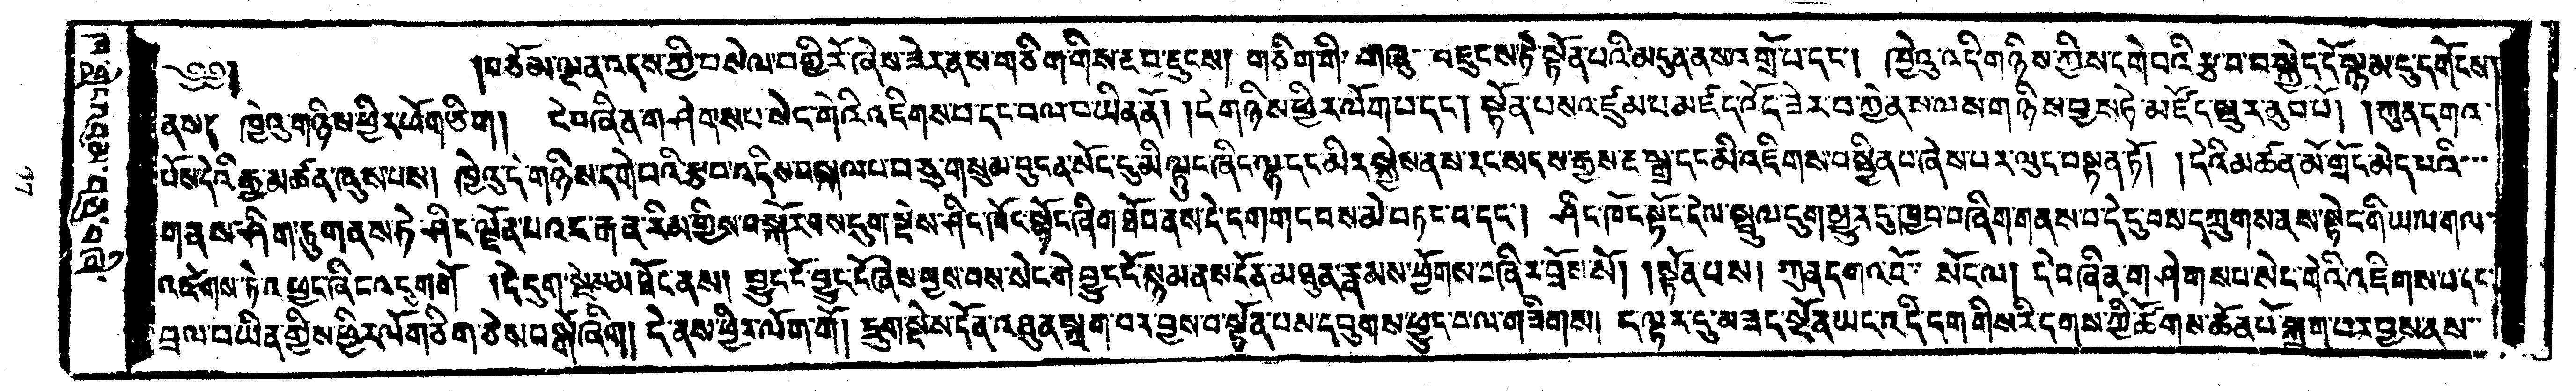༄༅། །བཅོམ་ལྡན་འདས་ཀྱི་བསེལ་བགྱི་རོ་ཞེས་ཟེར་ནས་གཅིག་གིས་རྔ་བརྡུངས། གཅིག་གི་གཞུ་བྗུངས་ཏེ་སྟོན་པའི་མདུན་ནས་འགྲོ་བ་དང་། ཁྱེའུ་འདི་གཉིས་ཀྱིས་དགེ་བའི་རྩ་བ་བསྐྱེད་དོ་སྙམ་དུ་དགོངས་
ནས༑ ཁྱེའུ་གཉིས་ཕྱིར་ཕོག་ཅིག། དེ་བཞིན་གཤེགས་པ་སེང་གེའི་འཇིགས་པ་དང་བལ་བ་ཡིན་ནོ། །དེ་གཉིས་ཕྱིར་ལོག་པ་དང་། སྟོན་པས་འཛུམ་པ་མཛད་འོད་ཟེར་བ་ཀྱེ་ནས་ལས་གཉིས་བྱས་ཏེ་མཛོད་སྦུར་ནུབ་པོ། །ཀུན་དགའ་
པོས་དེའི་རྒྱ་མཚན་ཞུས་པས། ཁྱེའུ་དེ་གཉིས་དགེ་བའི་རྩ་བ་འདིས་བསྐལ་པ་བཅུ་གསུམ་བུང་ན་སོང་དུ་མི་ལྟུང་ཞིང་ལྷ་དང་མིར་སྐྱེས་ནས་རང་སངས་རྒྱས་རྔ་སྒྲ་དང་མི་འཇིགས་བ་སྦྱིན་པ་ཞེས་པར་ལུང་བསྟན་ཏོ། །དེའི་མཚན་མོ་གྲོང་མེད་པའི་
གནས་ཤིག་ཏུ་གནས་ཏེ་ཤིང་ལྗོན་པའང་རྒན་རིམ་གྱིས་བསྐོར་བས་དུག་སྡེས་ཤིང་ཁོང་སྟོང་ཞིག་ཐོབ་ནས་དེ་དག་གང་བས་མེ་བཏང་བ་དང་། ཤིང་ཁོང་སྟོང་དེ་ལ་སྦྲུལ་དུག་མྱུར་དུ་ཁྱབ་བཞིག་གནས་བ་དེ་དུ་བས་དཀྲུགས་ནས་སྟེང་གི་ཡལ་གལ་
འཛེགས་ཏེ་འཕྱང་ཞིང་འདུག་གོ །དེ་དུག་སྡེས་མཐོང་ནས། བྱུང་ངོ་བྱུང་ངོ་ཞེས་བྱས་བས་སེང་གེ་བྱུང་ངོ་སྙམ་ནས་དོན་མཐུན་རྣམས་ཕྱོགས་བཞིར་བྲོས་སོ། །སྟོན་པས། ཀུན་དགའ་བོ༑ སོང་ལ། དེ་བཞིན་གཤེགས་པ་སེང་གེའི་འཇིགས་པ་དང་
བྲལ་བ་ཡིན་གྱིས་ཕྱིར་ལོ་གཅིག་ཅེས་བསྒོ་ཞིག། དེ་ནས་ཕྱིར་ལོག་གོ། དྲུག་སྡེས་དོན་འཐུན་སྐྲག་བར་བྱས་བ་སྟོན་པས་དབུགས་ཕྱུད་བ་ལ་གཟིགས། ད་ལྟར་དུ་མ་ཟད་སྔོན་ཡང་འདི་དག་གིས་རི་དགས་ཀྱི་ཚོགས་ཆེན་པོ་སྐྲག་པར་བྱས་ནས་